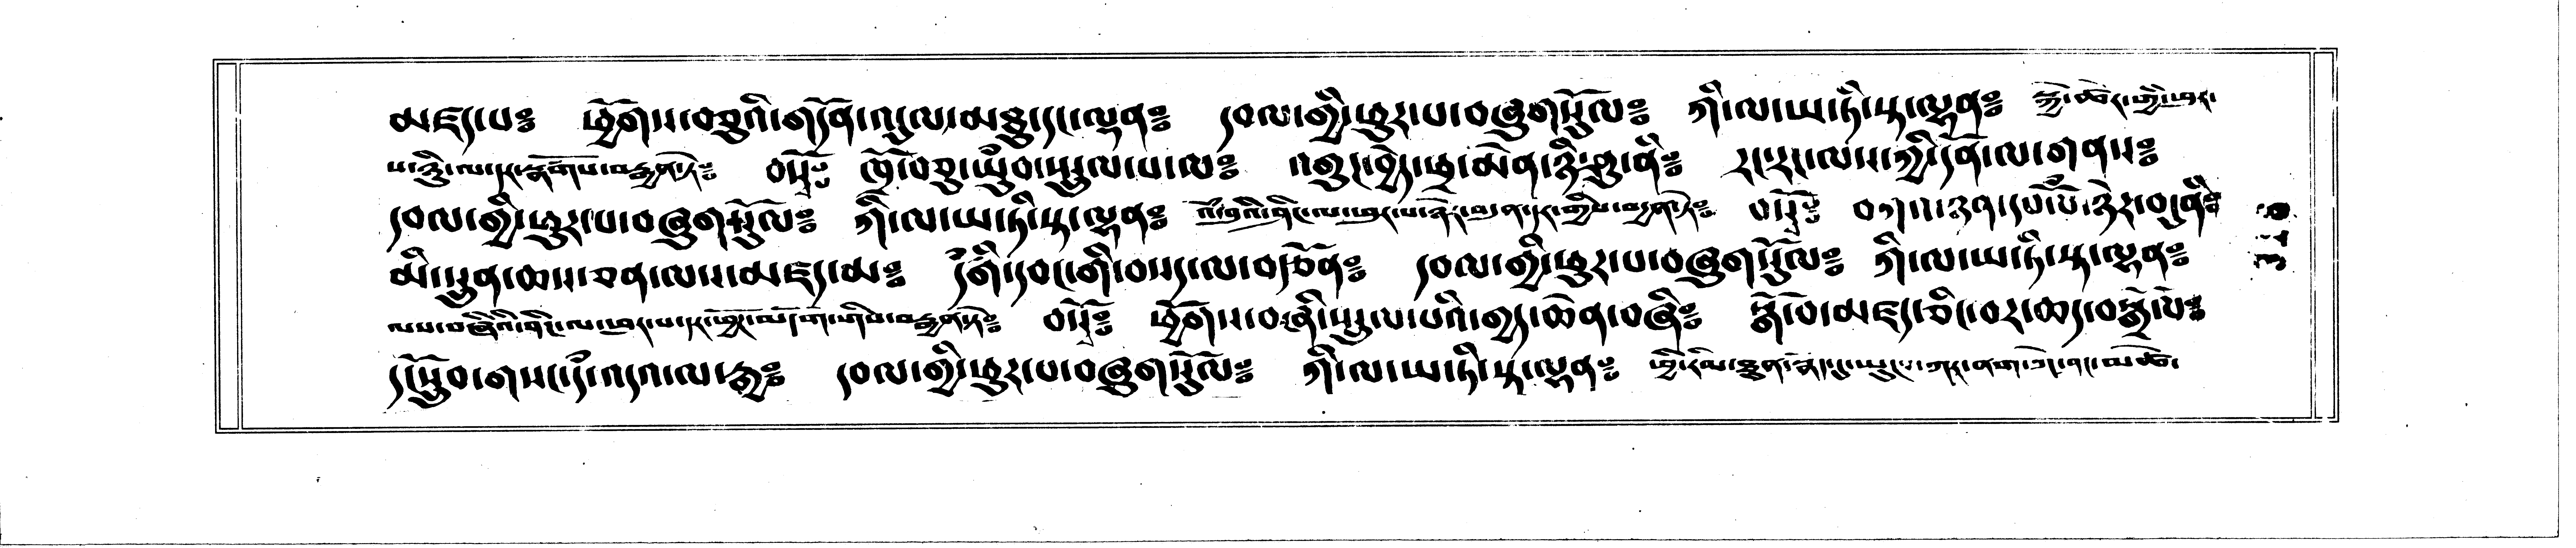མཛད་པ༔ ཕྱོིགས་བཅུའི་གདོན་འདུལ་མཐུ་དང་ལྡན༔ དབལ་གྱི་ཕུར་པ་བཞུགས་སུ་གསོལ༔ ཀི་ལ་ཡ་ཏི་སྟ་ལྷན༔ སྐྱེར་ཚེར་གྱི་ཕུར་
པ་ཉི་ཤུ་ལ་དར་སྣ་ཚོགས་བརྒྱན་ཏེ༔ བསྭོ༔ ཁྲོ་བཅུ་ཡབ་ཡུམ་སྤྲུལ་པ་ལ༔ འགུགས་བྱེད་ཕྲ་མེན་ཉི་ཤུ་ནི༔ རང་རང་ལས་ཀྱི་དོན་ལ་གནས༔ 
དབལ་གྱི་ཕུར་པ་བཞུགས་སུ་གསོལ༔ ཀི་ལ་ཡ་ཏི་སྟ་ལྷན༔ འམ་བུའི་ཤིང་ལ་ཕུར་པ་ཉེར་བདུན་དར་གྱིས་བརྒྱན་ཏེ༔ བསྭོ༔ བཀའ་ཉན་དབལ་མོ་ཉེར་བདུན་ནི༔ 
མི་སྲུན་ཆས་ཅན་ལས་མཛད་མ༔ དམ་ཚིག་དབང་གི་བསད་ལ་བརྩོན༔ དབལ་གྱི་ཕུར་པ་བཞུགས་སུ་གསོལ༔ ཀི་ལ་ཡ་ཏི་སྟ་ལྷ༔ 
ལས་བཞིའི་ཤིང་ལ་ཕུར་པ་དར་ཕྱོགས་མདོག་གིས་བརྒྱན་ཏེ༔ བསྭོ༔ ཕྱོགས་བཞི་སྤྲུལ་པའི་གྱད་ཆེན་བཞི༔ སྒོ་བ་མཛད་ཅིང་བར་ཆད་བསྒྲོལ༔ 
དངོས་སྒྲུབ་གསང་དམ་འདའ་ལ་རྒྱ༔ དབལ་གྱི་ཕུར་པ་བཞུགས་སུ་གསོལ༔ ཀོ་ལ་ཡ་ཏི་སྟ་ལྷན༔ ཕྱི་རིམ་ཐུན་སྣོད་དུ་ཡུངས་ཀར་ནག་ཀེ་ཤང་མཚེ་